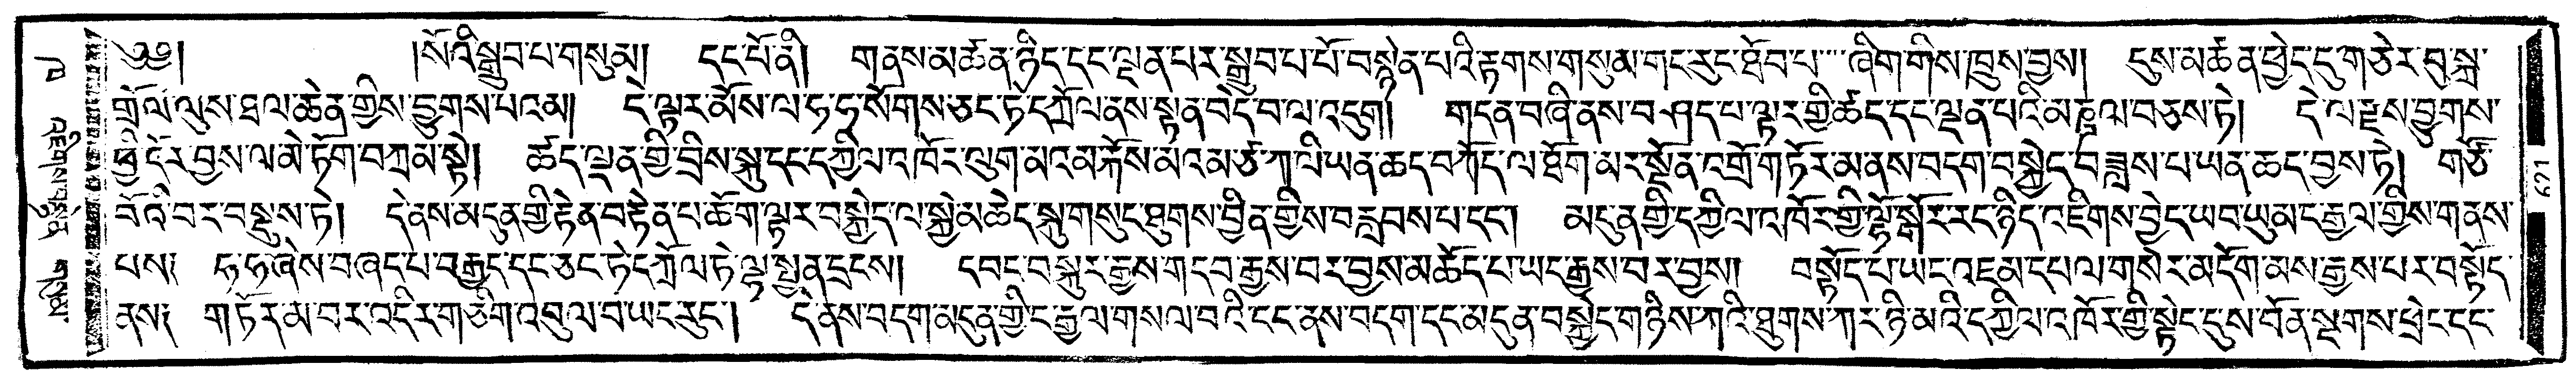༄༅། །སོའི་སྒྲུབ་པ་གསུམ། དང་པོ་ནི། གནས་མཚན་ཉིད་དང་ལྡན་པར་སྒྲུབ་པ་པོ་བསྙེན་པའི་རྟགས་གསུམ་གང་རུང་ཐོབ་པ་ཞིག་གིས་ཁྲུས་བྱས། དུས་མཚན་ཕྱེད་དུ་གཅེར་བུ་སྐྲ་
གྲོལ་ལུས་ཐལ་ཆེན་གྱིས་བྱུགས་པའམ། དེ་ལྟར་མོས་ལ་ཧ་ཧ་སོགས་ཅང་ཏེ་དཀྲོལ་ནས་སྟན་བདེ་བ་ལ་འདུག། གདན་བཞི་ནས་བཤད་པ་ལྟར་གྱི་ཚད་དང་ལྡན་པའི་མཎྜལ་བཅས་ཏེ། དེ་ལ་རྫས་བྱུགས་
ཕྱི་དོར་བྱས་ལ་མེ་ཏོག་བཀྲམ་སྟེ། ཚད་ལྡན་གྱི་བྲིས་སྐུ་དང་དཀྱིལ་འཁོར་ལུག་མའམ་རྐོས་མའམ་ཙ་ཀ་ལི་ཡན་ཆད་བཀོད་ལ་ཐོག་མར་སྔོན་འགྲོ་གཏོར་མ་ནས་བདག་བསྐྱེད་བཟླས་པ་ཡན་ཆད་བྱས་ཏེ། གཙོ་
བོའི་བར་བསྡུས་ཏེ། དེ་ནས་མདུན་གྱི་རྟེན་བརྟེན་པ་ཆོག་ལྟར་བསྐྱེད་ལ་སྐྱེ་མཆེད་སྐུ་གསུང་ཐུགས་བྱིན་གྱིས་བརླབས་པ་དང་། མདུན་གྱི་དཀྱིལ་འཁོར་གྱི་ལྷོ་སྒོར་རང་ཉིད་འཇིགས་བྱེད་ཡབ་ཡུམ་ང་རྒྱལ་གྱིས་གནས་
པས༑ ཧ་ཧ་ཞེས་བཞད་པ་བརྒྱད་དང་ཅང་ཏེ་དཀྲོལ་ཏེ་ལྷ་སྤྱན་དྲངས། དབང་བསྐུར་རྒྱས་གདབ་རྒྱས་བར་བྱས་མཆོད་པ་ཡང་རྒྱས་པར་བྱས། བསྟོད་པ་ཡང་འཇམ་དཔལ་གསེར་མདོག་མས་རྒྱས་པར་བསྟོད་
ནས༑ གཏོར་མ་བར་འདིར་གཅིག་འབུལ་བ་ཡང་རུང་། དེ་ནས་བདག་མདུན་གྱི་ང་རྒྱལ་གསལ་བའི་ངང་ནས་བདག་དང་མདུན་བསྐྱེད་གཉིས་ཀའི་ཐུགས་ཀར་ཉི་མའི་དཀྱིལ་འཁོར་གྱི་སྟེང་དུ་ས་བོན་སྔགས་ཕྲེང་དང་